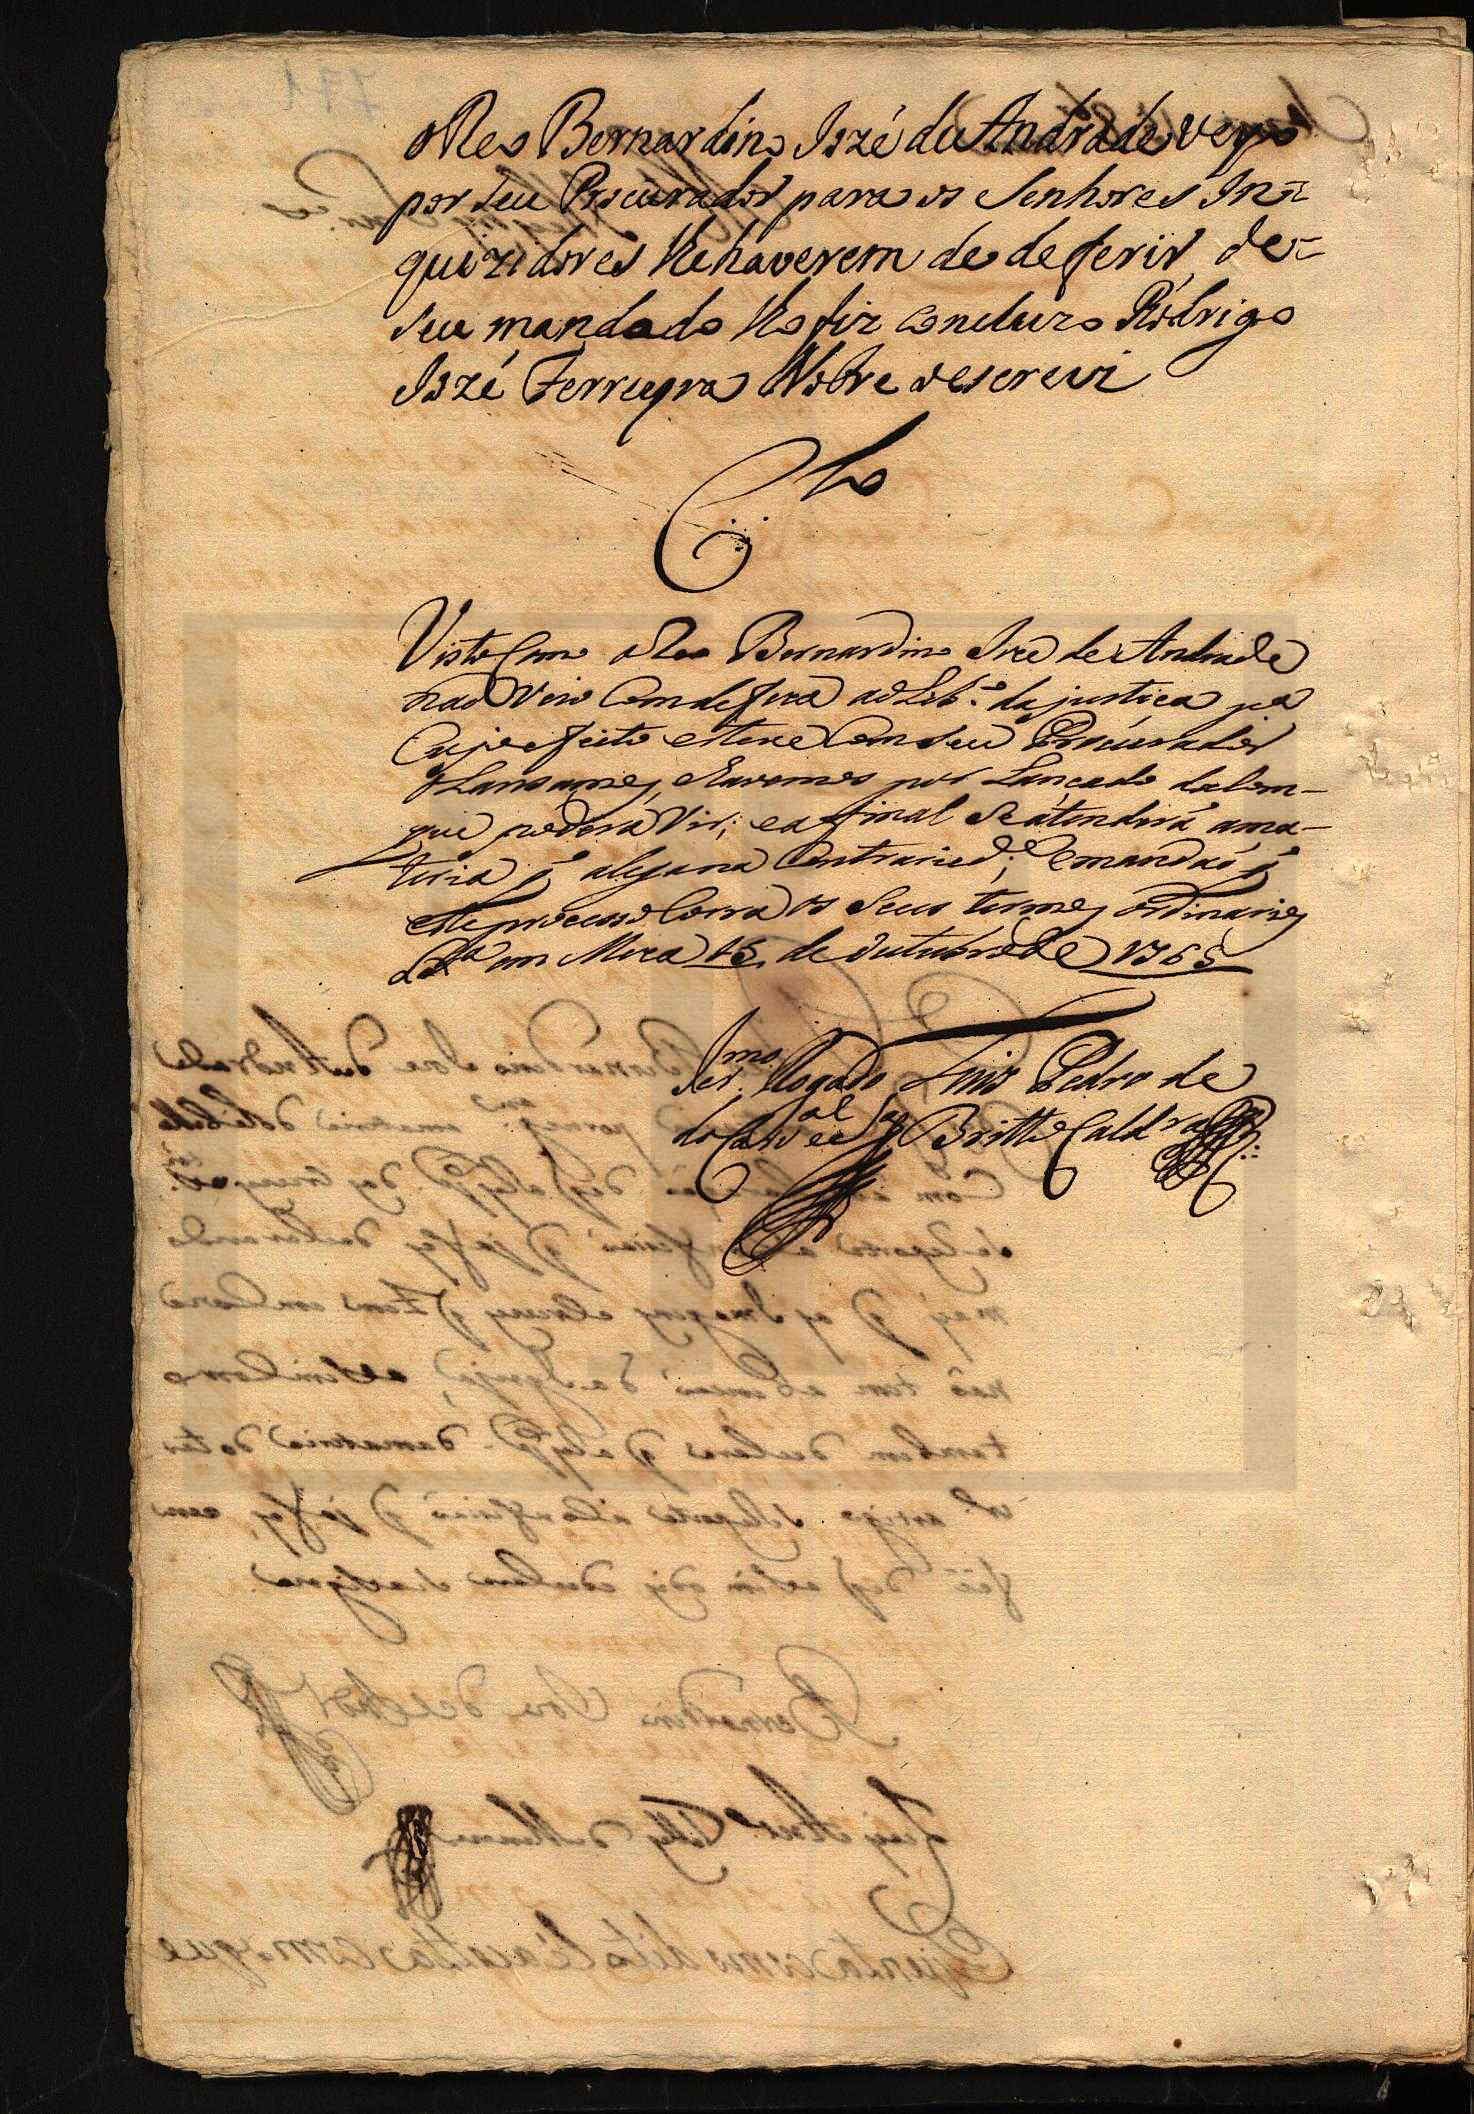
o Reo Bernardino Iozé de Andrade veyo
por seu Procurador para os Senhores In
quizidores lhe haverem de deferir de
seu mandado lho fiz concluzo Rodrigo
Ioze Ferreyra Nobre o escrevi
C.Lo
Visto Como o Reo Bernardino Ioze de Andrade
naõ veio Com defeza ao Lib.o da justiça p.a
Cujo efeito esteue Com seu Procurador
o Lansamos, e havemos por Lançado da Com
que podera Vir; e afinal se atenderá a ma
teria q̄ alega na Contraried;e e mandaõ q̄
este processo Corra os seus termos ordinarios
Lxa em Meza 15 de outubro de 1765
Ier.mo Rogado Luis Pedro de
do Carval e Sa Britto Caldra
